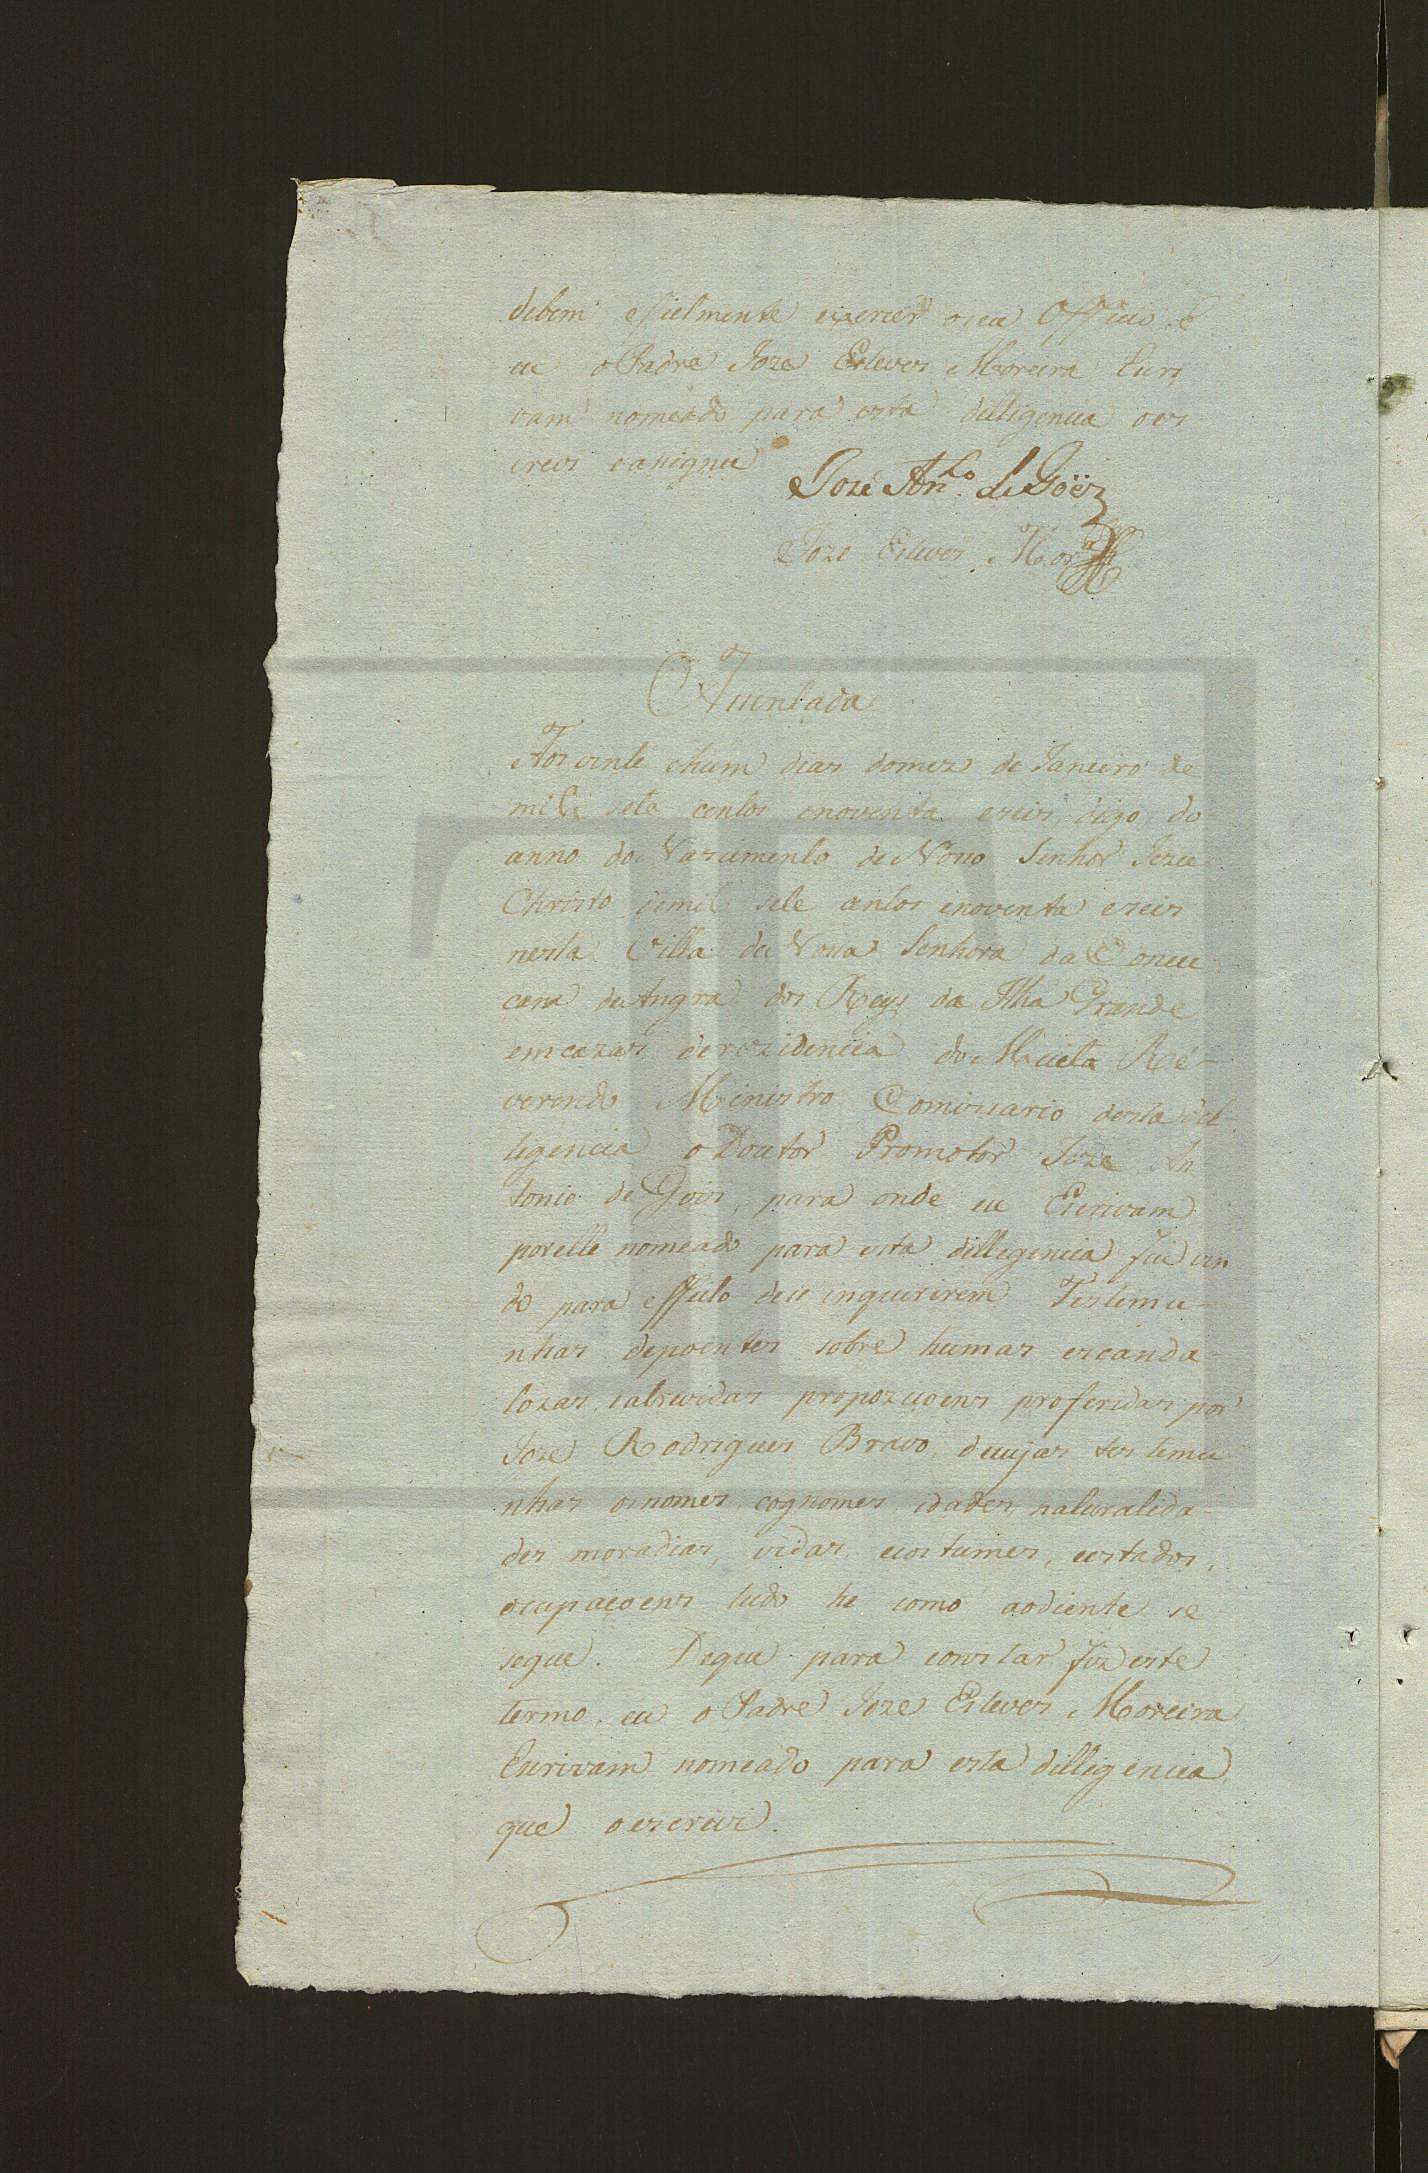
de bem e fielmente exercer o seu Officio
eu o Padre Ioze Esteves Moreira Escri
vam nomeado para esta delligencia o es
crevi e assignei
Ioze An.to de Goēz
Ioze Estevez Mor.a
Assentada
Aos vinte e hum dias do mez de Ianeiro de
mil setecentos e noventa e seis digo do
anno do Nascimento de Nosso Senhor Iezu
Christo de mil setecentos e noventa e seis
nesta Villa de Nossa Senhora da Concei
çam de Angra dos Reys da Ilha Grande
em cazaz de rezidencia do Muito Re
verendo Ministro Comissario desta del
ligencia o Doutor Promotor Ioze An
tonio de Goiz, para onde eu Escrivam
por elle nomeado para esta dillegencia fui vin
do para effeito de se inquerirem Testemu
nhas depoentes sobre humas escanda
lozaz e atrevidas propoziçoens proferidas por
Ioze Rodrigues Bravo de cujaz teztemu
nhaz os nomes, cognomes, idadez, naturalida
dez moradiaz, vidaz e costumez, e estados
ocupaçoens tudo he como aodiente se
segue. De que para constar fiz este
termo, eu o Padre Ioze Esteves Moreira
Escrivam nomeado para esta dilligencia
que o escrevi.
